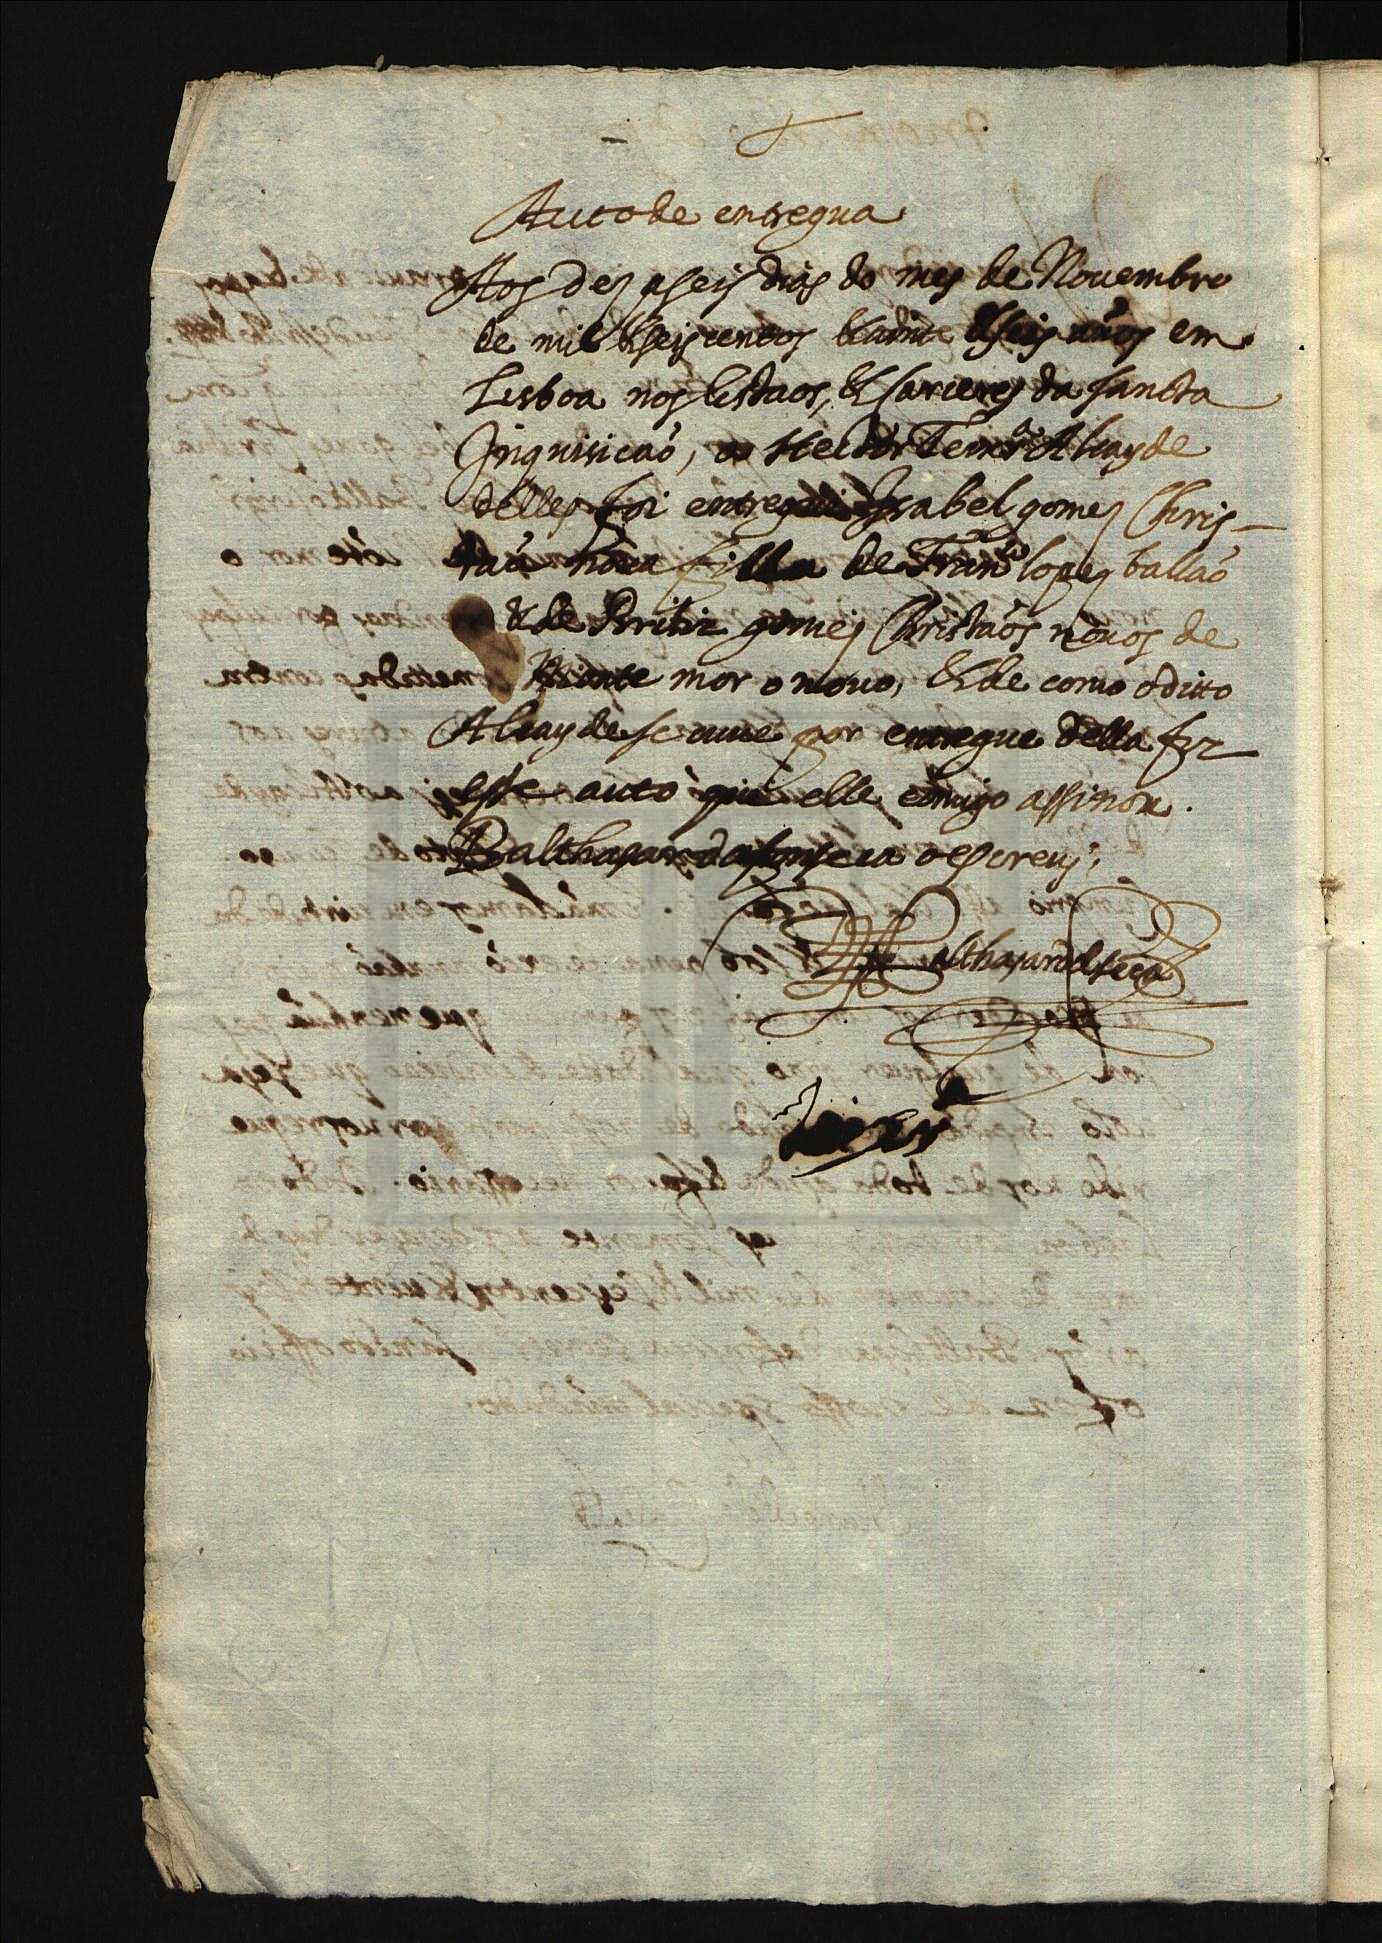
Auto de entregua
Aos dezaseis dias do mes de Nouembro
de mil & seiscentos & uinte & seis an̄os em
Lisboa nos Estaos, & Carceres da sancta
Jnquisiçaõ, a Hector Teixra Alcayde
delles foi entregue Jsabel gomez Chris
taã noua filha de Franco lopez ballaõ
& de Britiz gomez Christaõs nouos de
Montemor o nouo, & de como o ditto
Alcayde se ouue por entregue della fiz
este auto que elle comigo assinou.
Balthasar da fonseca o escreuj.
